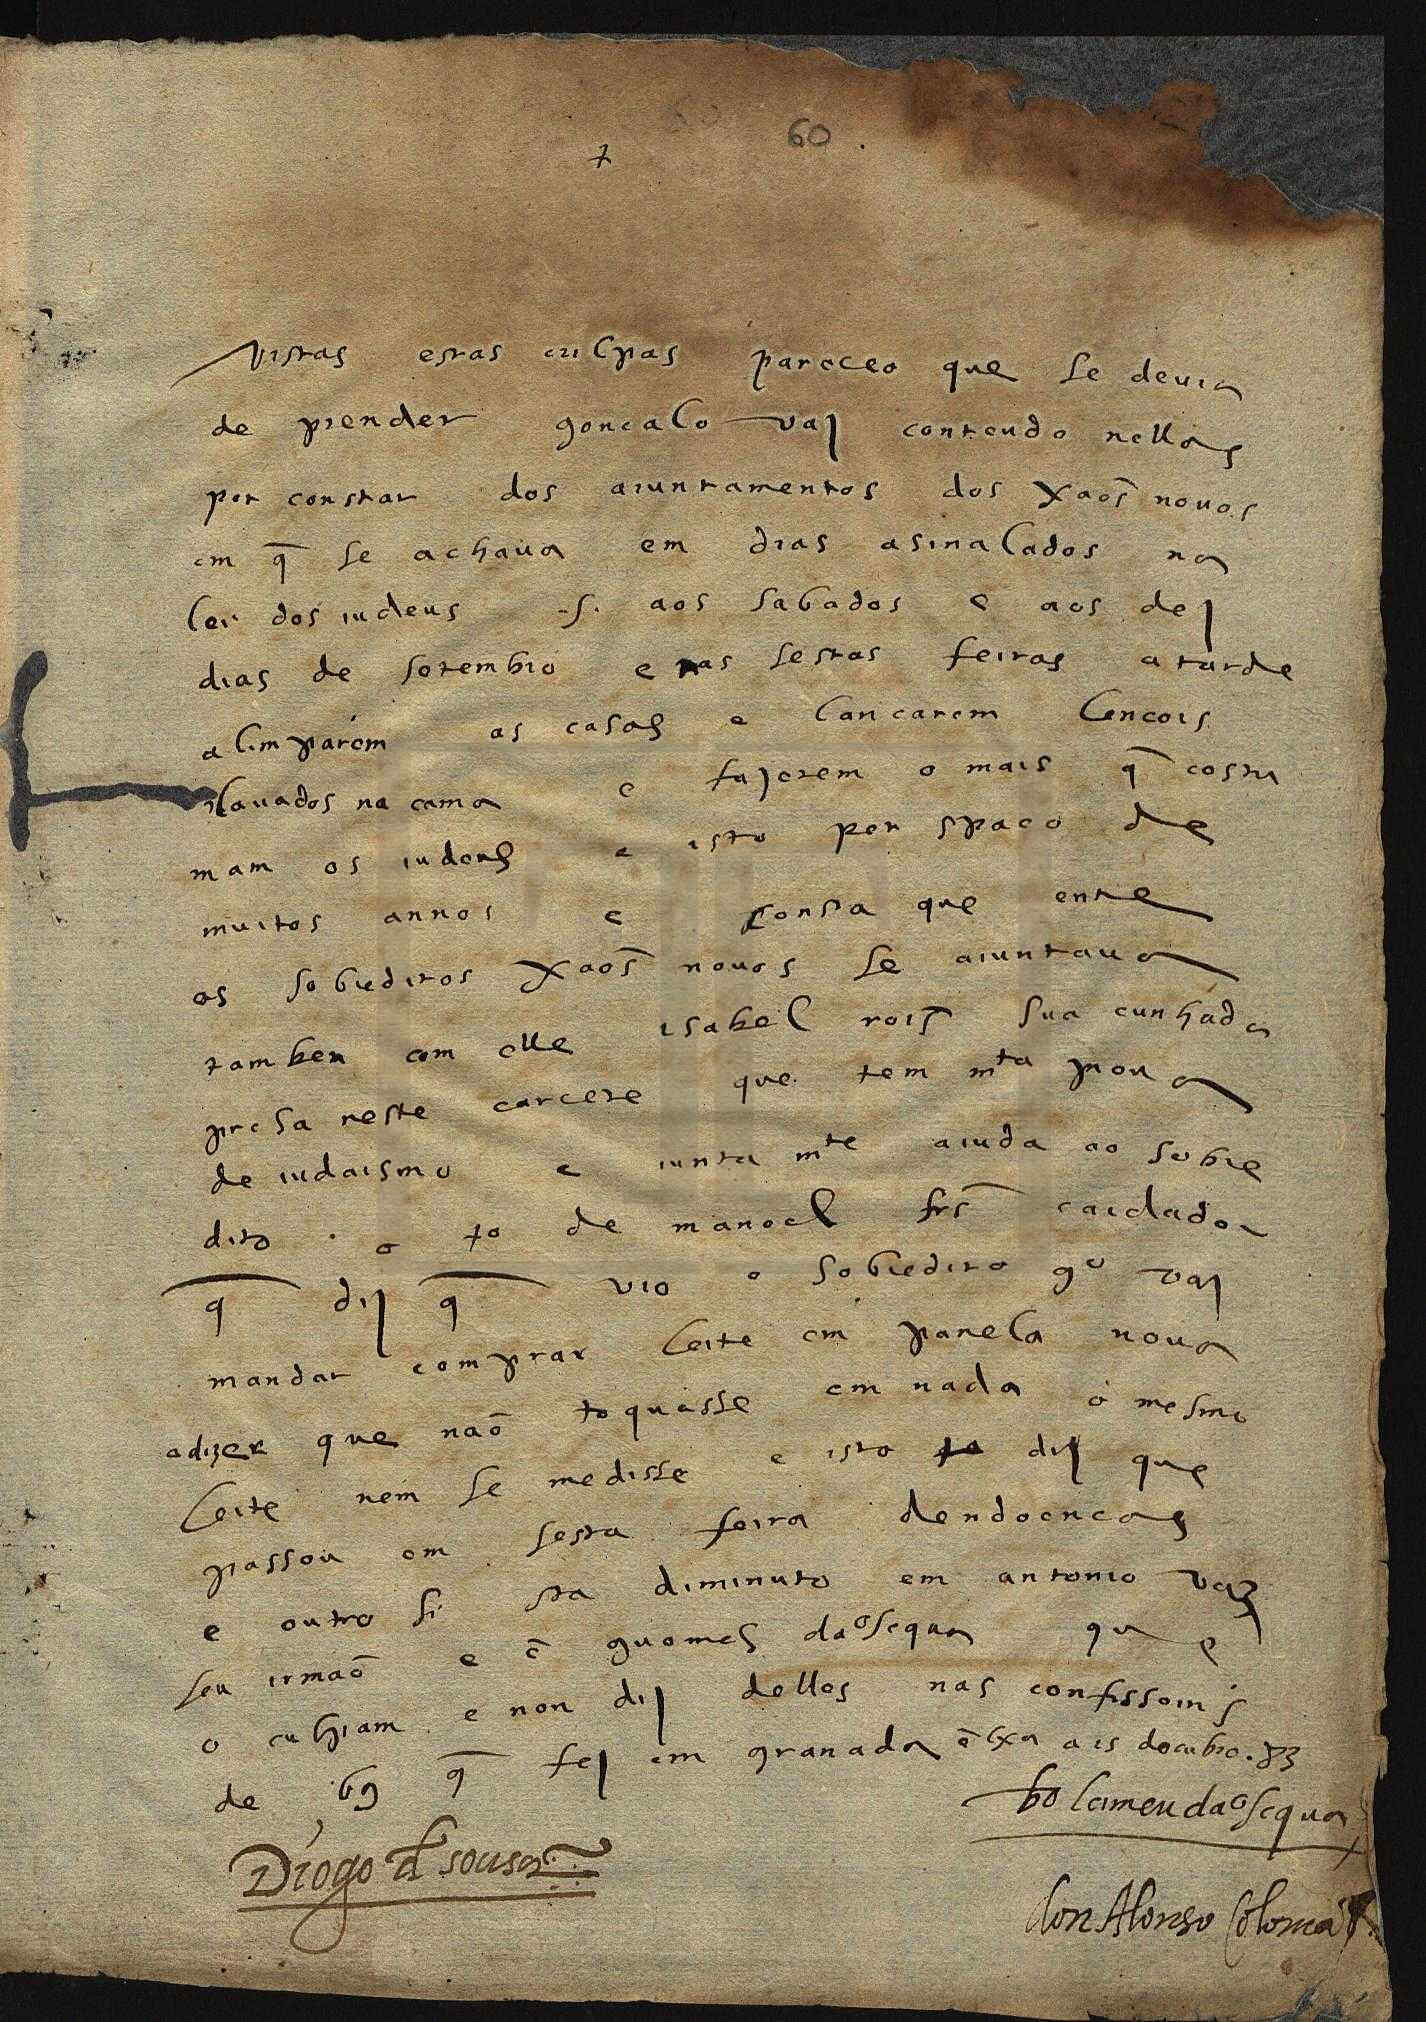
Vistas estas culpas pareceo que se deuia
de prender goncalo vaz conteudo nellas
por constar dos aiuntamentos dos Xaõs nouos
em q̄ se achaua em dias asinalados na
lei dos iudeus .s. aos sabados e aos dez
dias de setembro e nas sestas feiras a tarde
alimparem as casas e lancarem lencois
lauados na cama e fazerem o mais q̄ costu
mam os iudeus e isto por spaco de
muitos annos e consta que entre
os sobreditos Xaõs nouos se aiuntaua
tambem com elle isabel rois̄ sua cunhada
presa neste carcere que tem mta proua
de iudaismo e iuntamte ainda ao sobre
dito o to de manoel frs̄ cardador
q̄ diz q̄ vio o sobredito go vaz
mandar comprar leite em panela noua
a dizer que naõ toquasse em nada o mesmo
leite nem se medisse e isto se diz que
passou em sesta feira dendoencas
e outrosi sta diminuto em antonio vaz
seu irmaõ e ē guomes daosequa que
o cubriam e non diz delles nas confissoins
de 69 q̄ fez em granada ē lxa a 15 dotubro. 83
b̄tolameu daosequa
Diogo d̄ sousa
don Alonso Coloma
